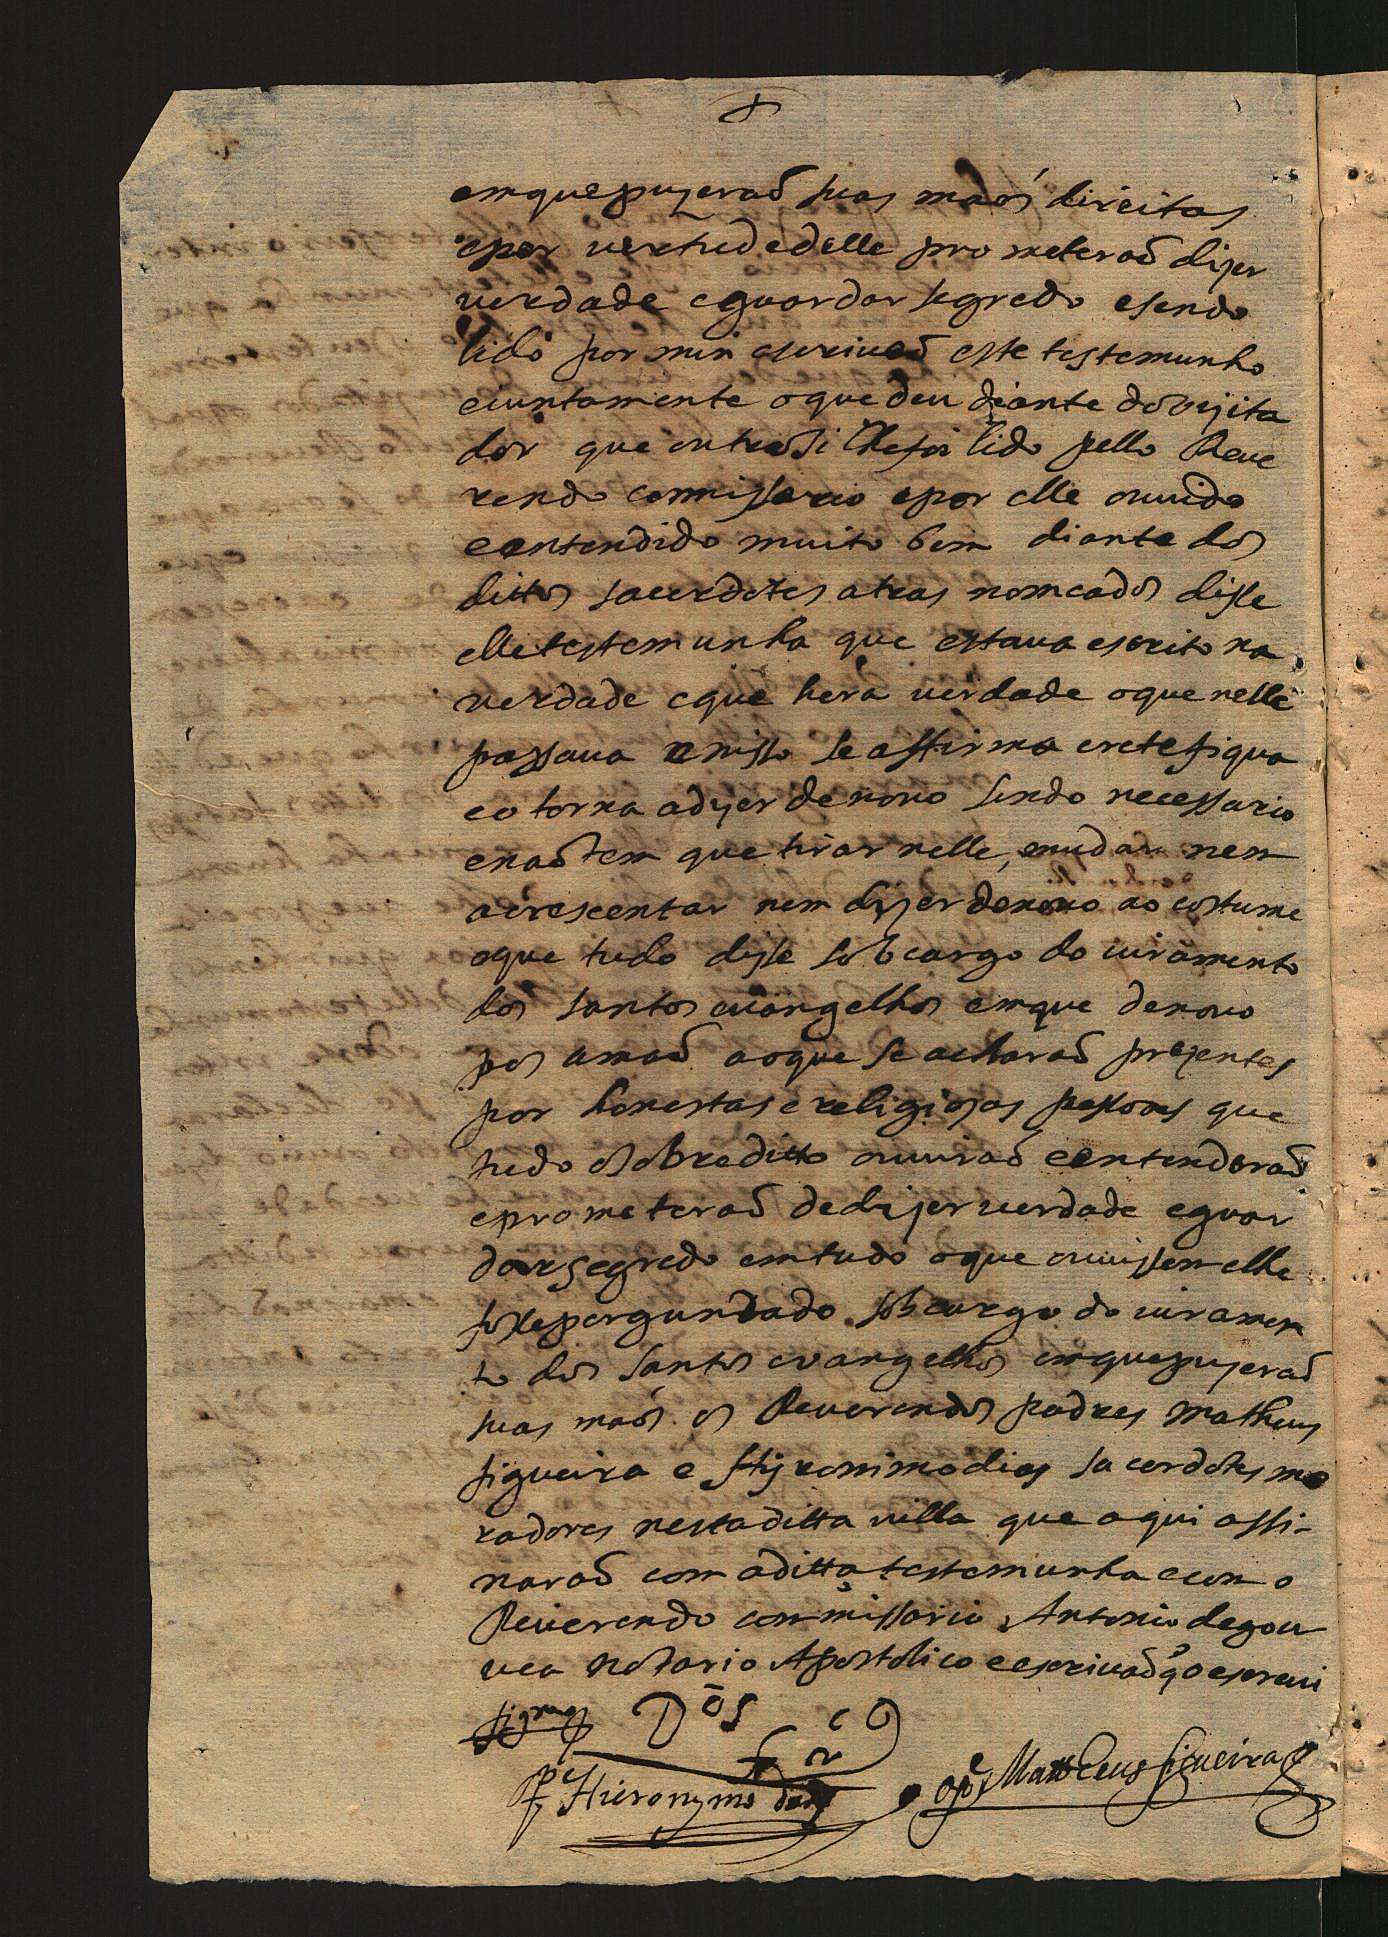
em que puzeraõ suas mãos direitas
e por uertude delle prometeraõ dizer
uerdade e guardar segredo e sendo
lido por mim escriuão este testemunho
e iuntamente o que deu diante do vizita
dor que outrosi lhe foi lido pello Reue
rendo comissario e por elle ouuido
e entendido muito bem diante dos
dittos sacerdotes atras nomeados disse
elle testemunha que estaua escrito na
uerdade e que hera uerdade o que nelle
passaua e nisso se affirma e retefiqua
e o torna a dizer de nouo sendo necessario
e naõ tem que tirar nelle, mudar nem
acrescentar nem dizer de nouo ao costume
o que tudo disse sob cargo do iuramento
dos santos euangelhos em que de nouo
pos a maõ ao que se acharaõ prezentes
por honestas e religiozas pessoas que
tudo o sobreditto ouuiraõ e entenderaõ
e prometeraõ de dizer uerdade e guar
dar segredo em tudo o que ouuissem e lhe
fosse perguntado sob cargo do iuramen
to dos santos evangelhos em que puzeraõ
suas maõs os Reuerendos padres matheus
figueira e Hyronimo dias sacerdotes mo
radores nesta ditta uilla que aqui assi
naraõ com a ditta testemunha e com o
Reuerendo commissario Antonio de gou
uea notario Apostolico e escriuaõ q̄ o escreui
o pe Matheus figueira
O pe Hieronymo dias
